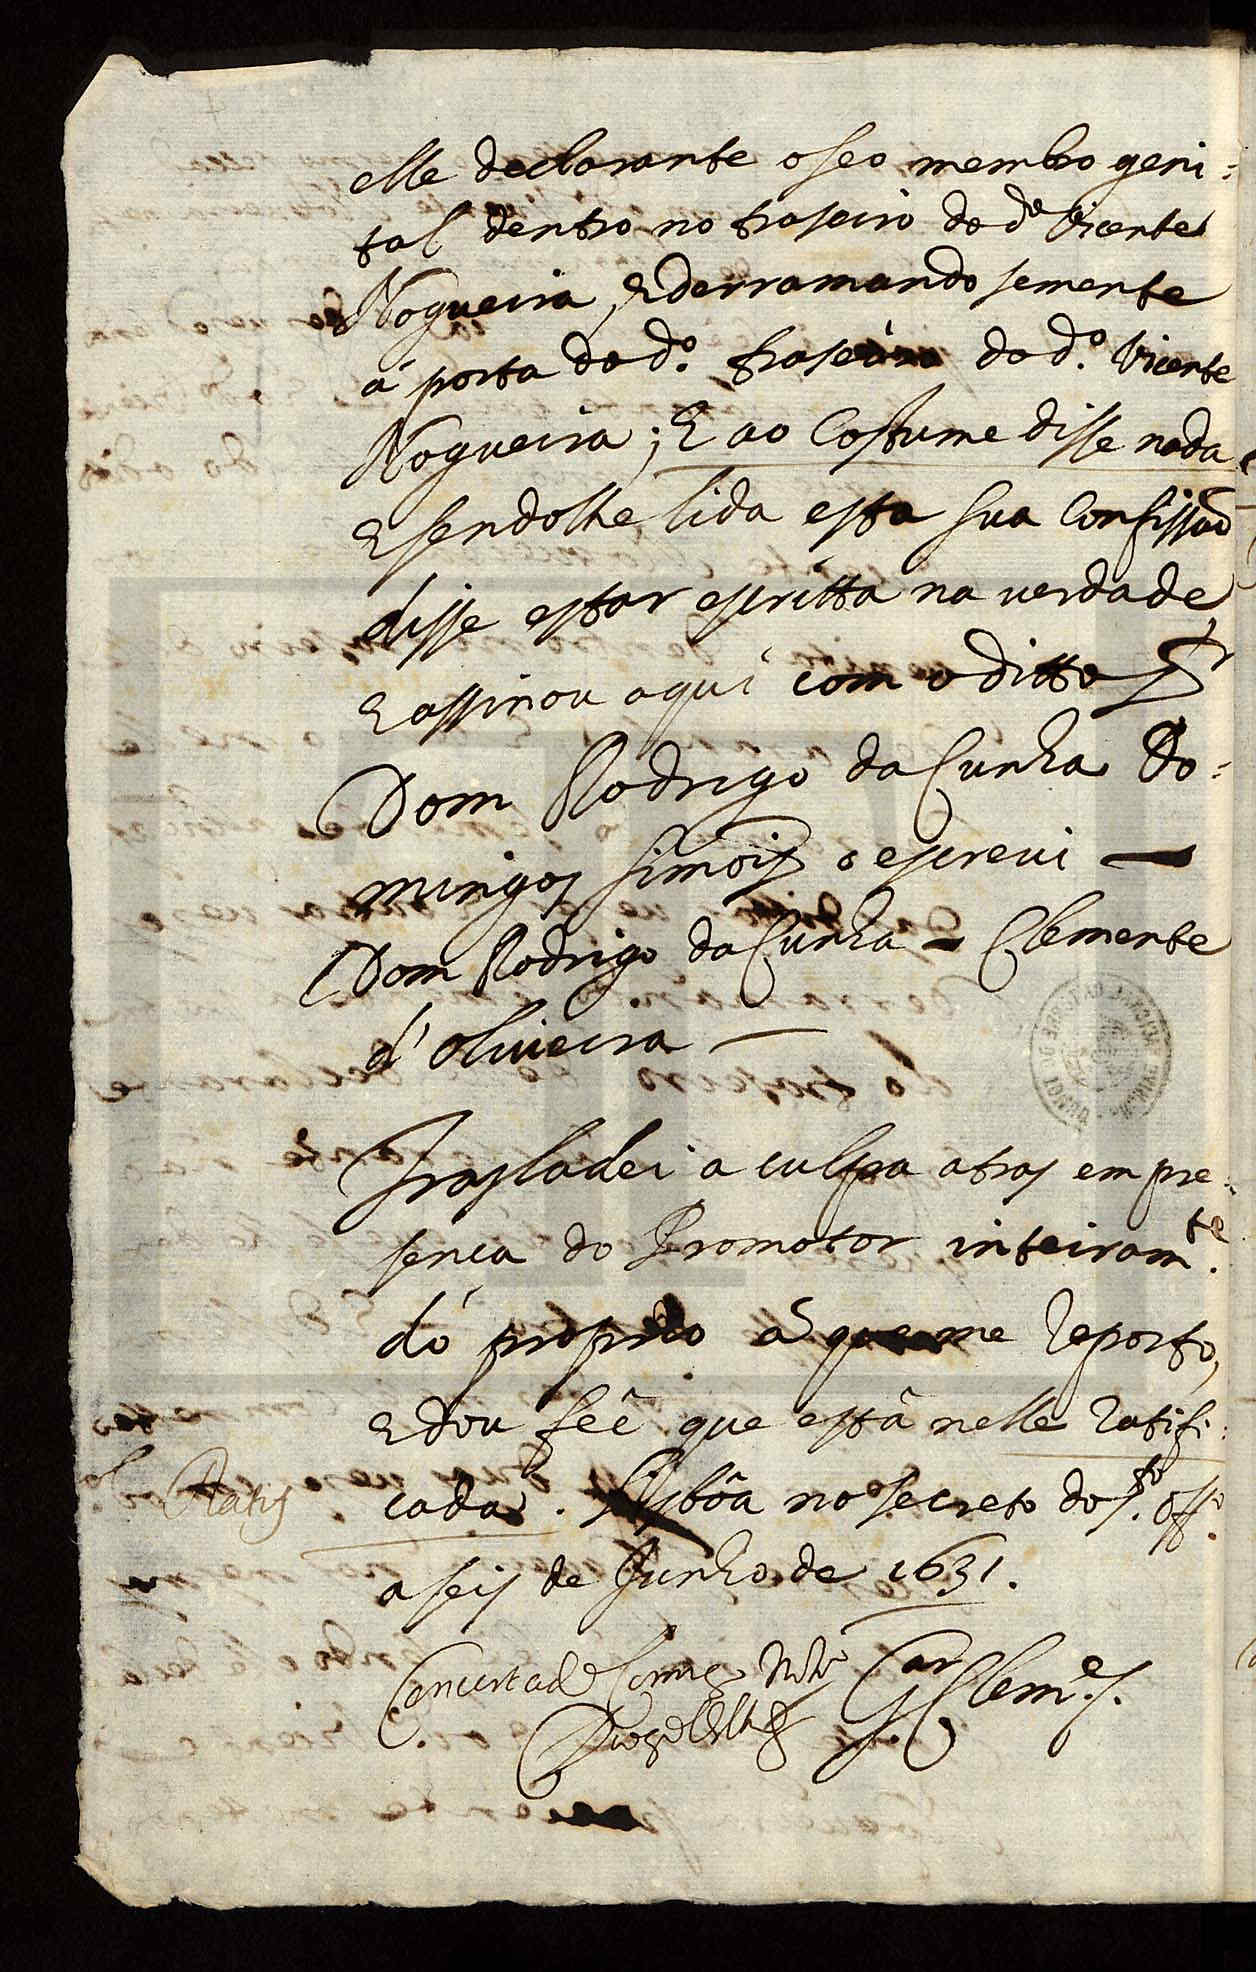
elle declarante o seo membro geni
tal dentro no traseiro do d.to vicente
Nogueira, e derramando semente
á porta do d.to traseiro do d.to vicente
Nogueira; e ao costume disse nada
e sendolhe lida esta sua confissaõ
disse estar escritta na verdade,
e assinou aqui com o ditto S.r
Dom Rodrigo da Cunha do
mingos Simõis o escrevi
Dom Rodrigo da Cunha Clemente
d'oliueira
Trasladei a culpa atras em pre
sença do Promotor inteiramen.te
do próprio ao que me reporto,
e dou feê que está nelle ratifi
cada. Lisbôa no secreto do s.to off.o
a seis de Junho de 1631.
Concertado Comigo not.ro Gaspar Clemente
Diogo Velho
